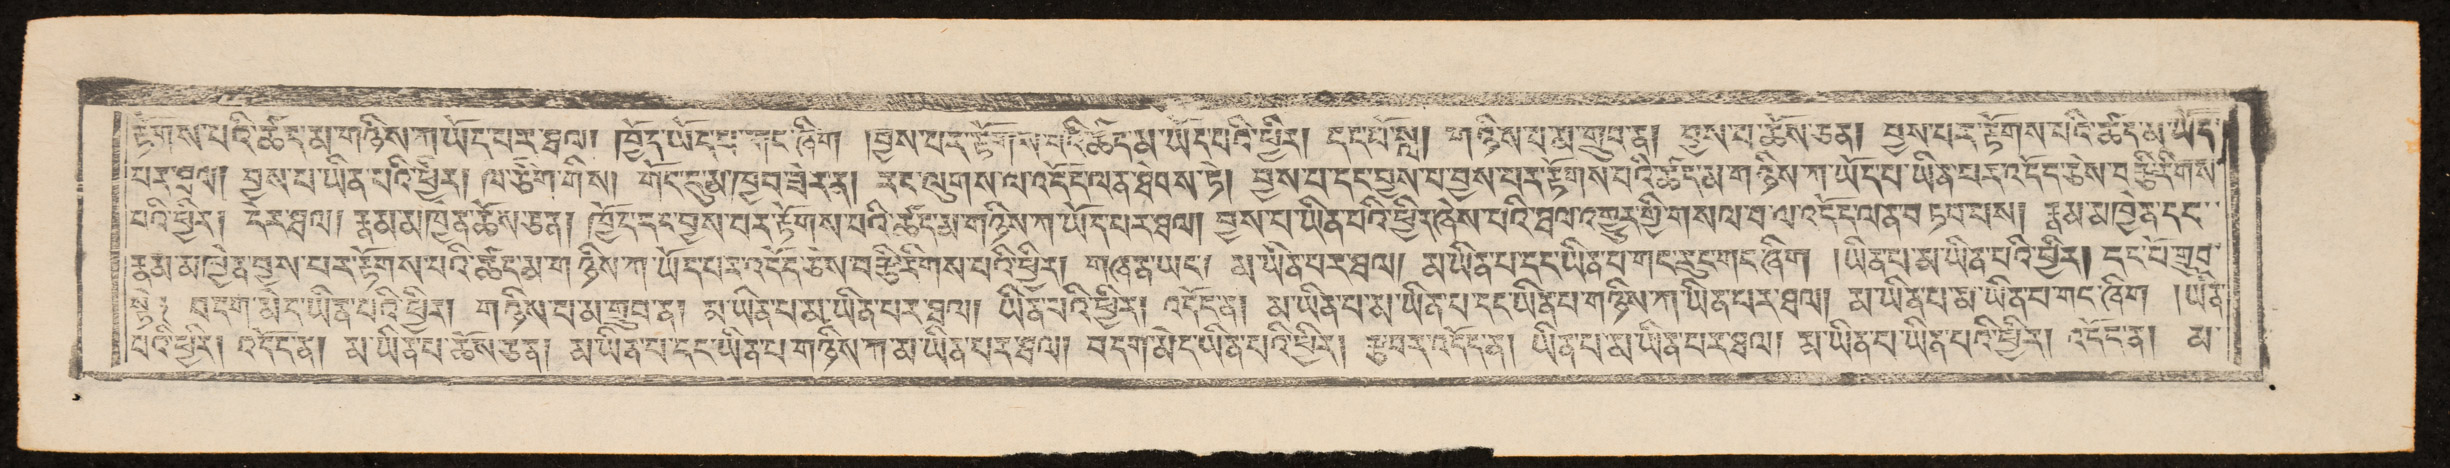རྟོགས་པའི་ཚད་མ་གཉིས་ཀ་ཡོད་པར་ཐལ། ཁྱོད་ཡོད་པ་གང་ཞིག། བྱས་པར་རྟོགས་པའི་ཚད་མ་ཡོད་པའི་ཕྱིར། དང་པོ་སླ། གཉིས་པ་མ་གྲུབ་ན། བྱས་པ་ཆོས་ཅན། བྱས་པར་རྟོགས་པའི་ཚད་མ་ཡོད་
པར་ཐལ། བྱས་པ་ཡིན་པའི་ཕྱིར། ཁ་ཅིག་གིས། གོང་དུ་མ་ཁྱབ་ཟེར་ན། རང་ལུགས་ལ་འདོད་ལན་ཐེབས་ཏེ། བྱས་པ་དང་བྱས་པ་བྱས་པར་རྟོགས་པའི་ཚད་མ་གཉིས་ཀ་ཡོད་པ་ཡིན་པར་འདོད་ཅེས་པ་བརྩི་རིགས་
པའི་ཕྱིར། དེར་ཐལ། རྣམ་མཁྱེན་ཆོས་ཅན། ཁྱོད་དང་བྱས་པར་རྟོགས་པའི་ཚད་མ་གཉིས་ཀ་ཡོད་པར་ཐལ། བྱས་པ་ཡིན་པའི་ཕྱིར་ཞེས་པའི་ཐལ་འགྱུར་གྱི་གསལ་བ་ལ་འདོད་ལན་བཏབ་པས། རྣམ་མཁྱེན་དང་
རྣམ་མཁྱེན་བྱས་པར་རྟོགས་པའི་ཚད་མ་གཉིས་ཀ་ཡོད་པར་འདོད་ཅེས་བརྩི་རིགས་པའི་ཕྱིར། གཞན་ཡང་། མ་ཡིན་པར་ཐལ། མ་ཡིན་པ་དང་ཡིན་པ་གང་རུང་གང་ཞིག། ཡིན་པ་མ་ཡིན་པའི་ཕྱིར། དང་པོ་གྲུབ་
སྟེ། བདག་མེད་ཡིན་པའི་ཕྱིར། གཉིས་པ་མ་གྲུབ་ན། མ་ཡིན་པ་མ་ཡིན་པར་ཐལ། ཡིན་པའི་ཕྱིར། འདོད་ན། མ་ཡིན་པ་མ་ཡིན་པ་དང་ཡིན་པ་གཉིས་ཀ་ཡིན་པར་ཐལ། མ་ཡིན་པ་མ་ཡིན་པ་གང་ཞིག། ཡིན་
པའི་ཕྱིར། འདོད་ན། མ་ཡིན་པ་ཆོས་ཅན། མ་ཡིན་པ་དང་ཡིན་པ་གཉིས་ཀ་མ་ཡིན་པར་ཐལ། བདག་མེད་ཡིན་པའི་ཕྱིར། རྩ་བར་འདོད་ན། ཡིན་པ་མ་ཡིན་པར་ཐལ། མ་ཡིན་པ་ཡིན་པའི་ཕྱིར། འདོད་ན། མ་